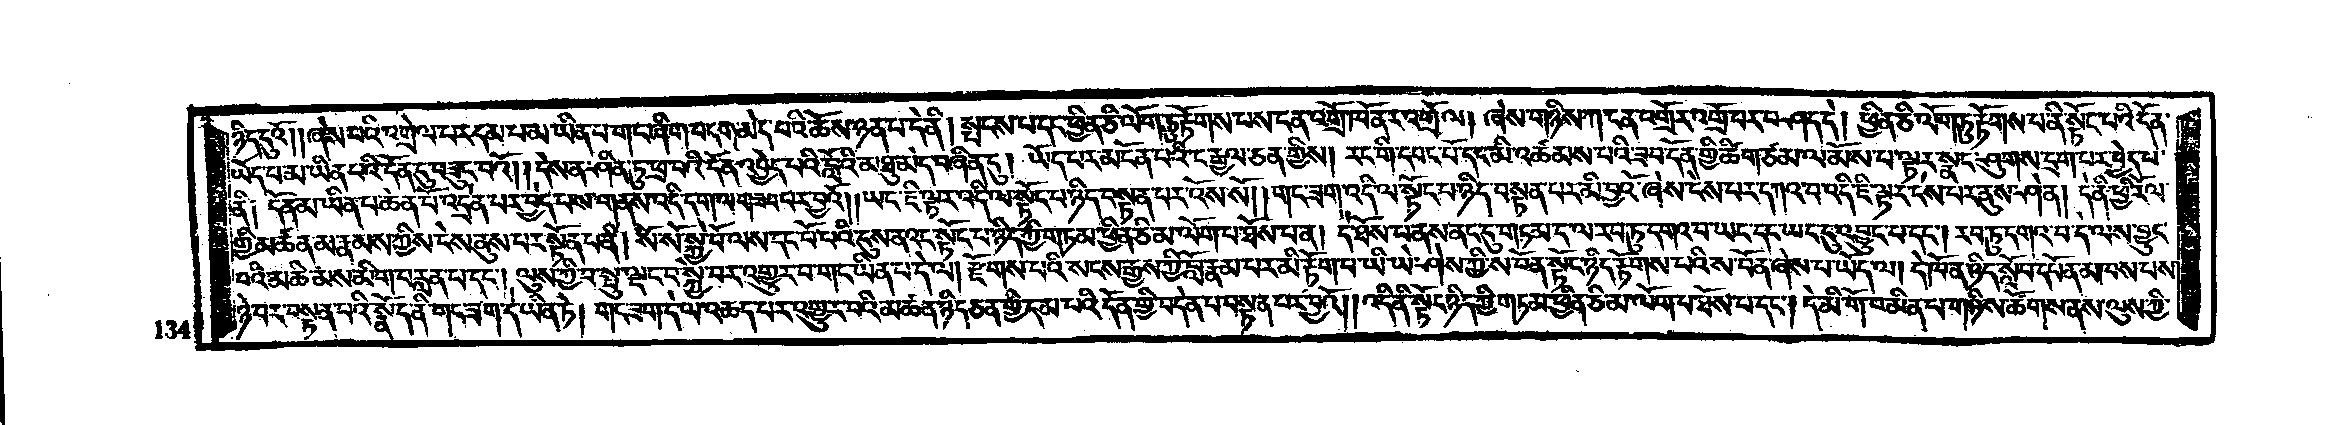ཉིད་དུའོ། །ཞེས་པའི་འགྲེལ་པར་དམ་པ་མ་ཡིན་པ་གང་ཞིག་བདག་མེད་པའི་ཆོས་ཉན་པ་དེ་ནི། སྤངས་པ་དང་ཕྱིན་ཅི་ལོག་ཏུ་རྟོགས་པས་ངན་འགྲོ་ཁོ་ནར་འགྲོ་ལ། ཞེས་གཉིས་ཀ་ངན་འགྲོར་འགྲོ་བར་བཤད་དེ། ཕྱིན་ཅི་ལོག་ཏུ་རྟོགས་པ་ནི་སྟོང་པའི་དོན་
ཡོད་པ་མ་ཡིན་པའི་དོན་དུ་བཟུང་བའོ། །དེས་ན་ཤིན་ཏུ་ཕྲ་བའི་དོན་འབྱེད་པའི་བློའི་མཐུ་མེད་བཞིན་དུ། ཡོད་པར་མངོན་པའི་ང་རྒྱལ་ཅན་གྱིས། རང་གི་དབང་པོ་དང་མི་འཚམས་པའི་ཟབ་དོན་གྱི་ཚིག་ཙམ་ལ་མོས་པ་ལྟར་སྣང་ཤུགས་དྲག་པར་བྱེད་པ་
ནི། དོན་མ་ཡིན་པ་ཆེན་པོ་འདྲེན་པར་བྱེད་པས་གནས་འདི་དག་ལ་གཟབ་པར་བྱའོ། །ཡང་ཇི་ལྟར་འདི་ལ་སྟོང་པ་ཉིད་བསྟན་པར་འོས་སོ། །གང་ཟག་འདི་ལ་སྟོང་པ་ཉིད་བསྟན་པར་མི་བྱའོ་ཞེས་ངེས་པར་དཀའ་བ་འདི་ཇི་ལྟར་ངེས་པར་ནུས་ཤེ་ན། དེ་ནི་ཕྱི་རོལ་
གྱི་མཚན་མ་རྣམས་ཀྱིས་ངེས་ནུས་པར་སྟོན་པ་ནི། སོ་སོ་སྐྱེ་བོ་ལས་དང་པོ་པའི་དུས་ནའང་སྟོང་པ་ཉིད་ཀྱི་གཏམ་ཕྱིན་ཅི་མ་ལོག་པ་ཐོས་པ་ན། དེ་ཐོས་པ་ནས་ནང་དུ་གཏམ་དེ་ལ་རབ་ཏུ་དགའ་བ་ཡང་དང་ཡང་དུ་འབྱུང་པ་དང་། རབ་ཏུ་དགའ་བ་དེ་ལས་བྱུང་
བའི་མཆི་མས་མིག་བརླན་པ་དང་། ལུས་ཀྱི་བ་སྤུ་ལྡང་བ་སྐྱེ་བར་འགྱུར་བ་གང་ཡིན་པ་དེ་ལ། རྫོགས་པའི་སངས་རྒྱས་ཀྱི་བློ་རྣམ་པར་མི་རྟོག་པ་ཡི་ཡེ་ཤེས་ཀྱི་ས་བོན་སྟོང་ཉིད་རྟོགས་པའི་ས་བོན་ཞེས་པ་ཡོད་ལ། དེ་ཁོ་ན་ཉིད་སློབ་དཔོན་མཁས་པས་
ཉེ་བར་བསྟན་པའི་སྣོད་ནི་གང་ཟག་དེ་ཡིན་ཏེ། གང་ཟག་དེ་ལ་འཆད་པར་འགྱུར་བའི་མཚན་ཉིད་ཅན་གྱི་དམ་པའི་དོན་གྱི་བདེན་པ་བསྟན་པར་བྱའོ། །འདི་ནི་སྟོང་ཉིད་ཀྱི་གཏམ་ཕྱིན་ཅི་མ་ལོག་པ་ཐོས་པ་དང་། དེ་མི་གོ་བ་མིན་པ་གཉིས་ཚོགས་ནས་ལུས་ཀྱི་